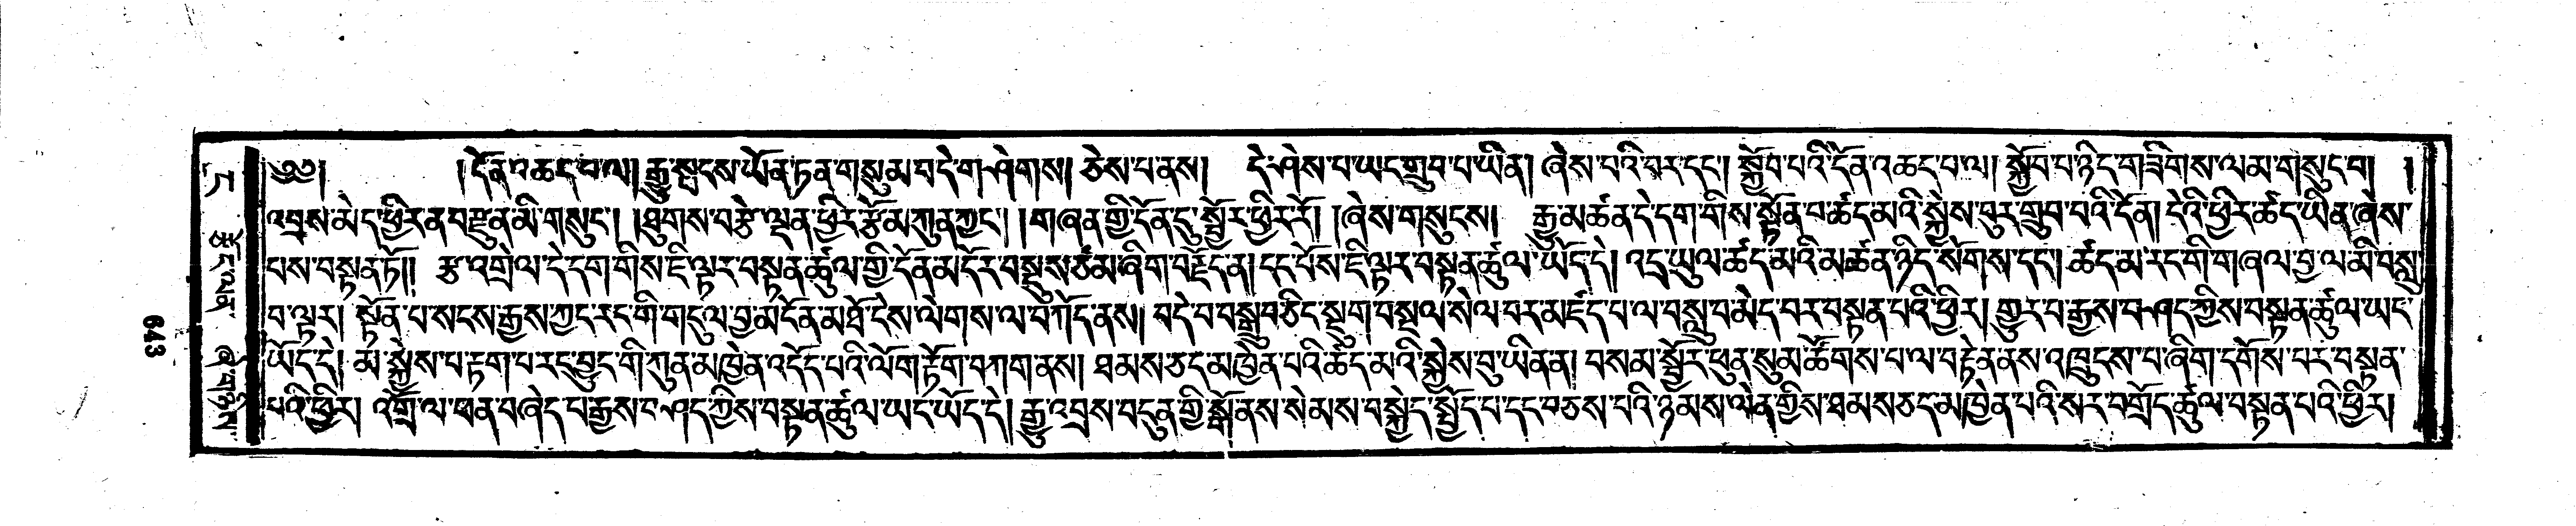༄༅། །དོན་འཆད་པ་ལ། རྒྱུ་སྤངས་ཡོན་ཏན་གསུམ་བདེ་གཤེགས། ཅེས་པ་ནས། དེ་ཤེས་པ་ཡང་གྲུབ་པ་ཡིན། ཞེས་པའི་བར་དང་། སྐྱོབ་པའི་དོན་འཆད་པ་ལ། སྐྱོབ་པ་ཉིད་གཟིགས་ལམ་གསུང་བ། །
འབྲས་མེད་ཕྱིར་ན་བརྫུན་མི་གསུང་། །ཐུགས་བརྩེ་ལྡན་ཕྱིར་རྩོམ་ཀུན་ཀྱང་། །གཞན་གྱི་དོན་དུ་སྦྱོར་ཕྱིར་རོ། །ཞེས་གསུངས། རྒྱུ་མཚན་དེ་དག་གིས་སྟོན་པ་ཚད་མའི་སྐྱེས་བུར་གྲུབ་པའི་དོན། དེའི་ཕྱིར་ཚད་ཡིན་ཞེས་
པས་བསྟན་ཏོ། །རྩ་འགྲེལ་དེ་དག་གིས་ཇི་ལྟར་བསྟན་ཚུལ་གྱི་དོན་མདོར་བསྡུས་ཙམ་ཞིག་བརྗོད་ན། དང་པོས་ཇི་ལྟར་བསྟེན་ཚུལ་ཡོད་དེ། འདྲ་ཡུལ་ཚད་མའི་མཚན་ཉིད་སོགས་དང་། ཚད་མ་རང་གི་གཞལ་བྱ་ལ་མི་བསླུ་
བ་ལྟར། སྟོན་པ་སངས་རྒྱས་ཀྱང་རང་གི་གདུལ་བྱ་མངོན་མཐོ་ངེས་ལེགས་ལ་བཀོད་ནས། བདེ་བ་བསྒྲུབ་ཅིང་སྡུག་བསྔལ་སེལ་བར་མཛད་པ་ལ་བསླུ་བ་མེད་པར་བསྟན་པའི་ཕྱིར། གྱུར་པ་རྒྱས་བཤད་ཀྱིས་བསྟན་ཚུལ་ཡང་
ཡོད་དེ། མ་སྐྱེས་པ་རྟག་པ་རང་བྱུང་གི་ཀུན་མཁྱེན་འདོད་པའི་ལོག་རྟོག་བཀག་ནས། ཐམས་ཅད་མཁྱེན་པའི་ཚད་མའི་སྐྱེས་བུ་ཡིན་ན། བསམ་སྦྱོར་ཕུན་སུམ་ཚོགས་པ་ལ་བརྟེན་ནས་འཁྲུངས་པ་ཞིག་དགོས་པར་བསྟན་
པའི་ཕྱིར། འགྲོ་ལ་ཕན་བཞེད་པ་རྒྱས་བཤད་ཀྱིས་བསྟན་ཚུལ་ཡང་ཡོད་དེ། རྒྱུ་འབྲས་བདུན་གྱི་སྒོ་ནས་སེམས་བསྐྱེད་སྤྱོད་པ་དང་བཅས་པའི་ཉམས་ལེན་གྱིས་ཐམས་ཅད་མཁྱེན་པའི་སར་བགྲོད་ཚུལ་བསྟན་པའི་ཕྱིར།